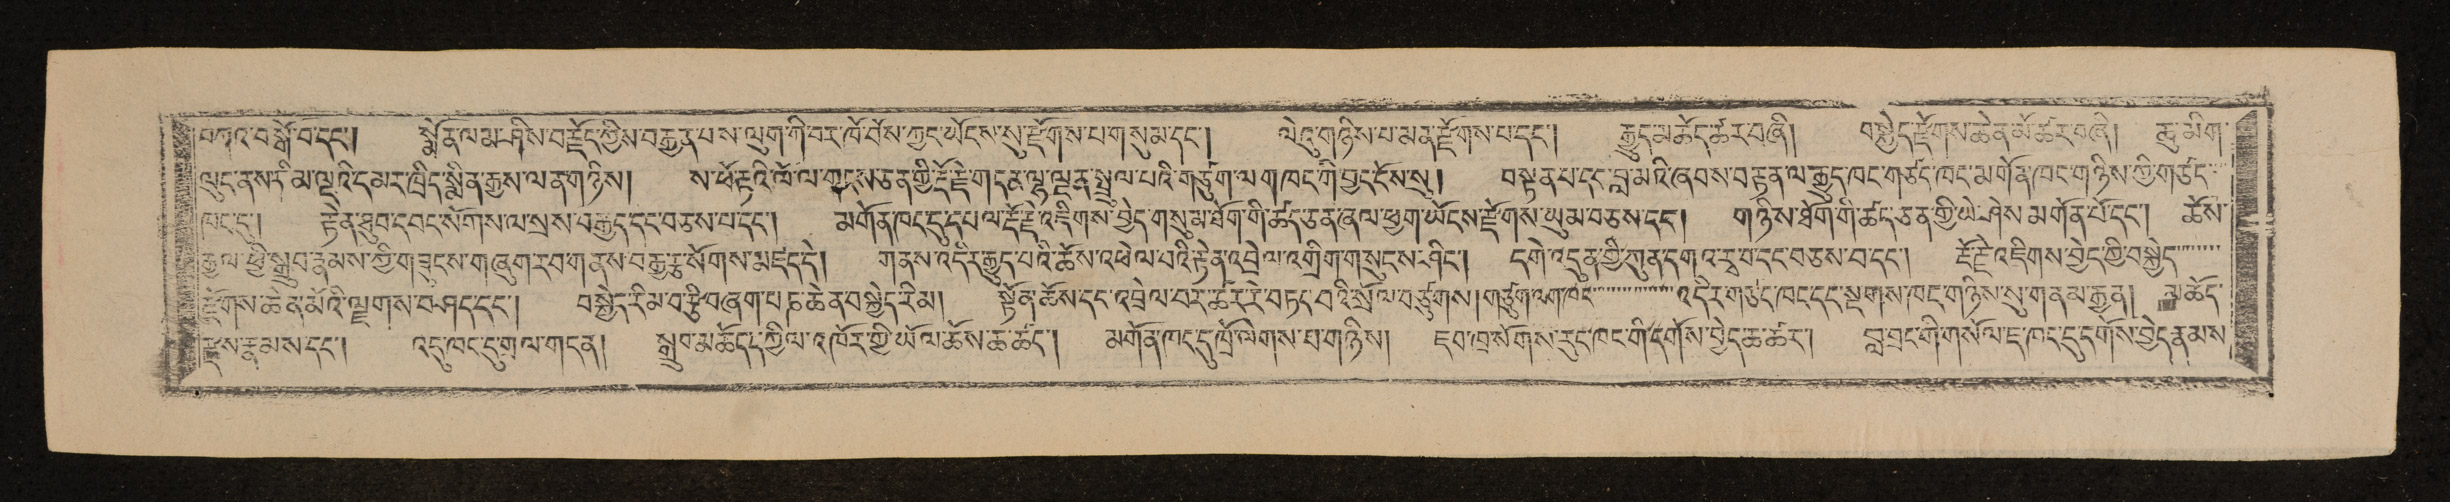བཀའ་བསྒོ་བ་དང་། སྨོན་ལམ་ཤིས་བརྗོད་ཀྱིས་བརྒྱན་པས་ལུག་གི་བར་ཁོ་བོས་ཀྱང་ཡོངས་སུ་རྫོགས་པ་གསུམ་དང་། ལེའུ་གཉིས་པ་མན་རྫོགས་པ་དང་། རྒྱུད་མཆོད་ཚར་བཞི། བསྐྱེད་རྫོགས་ཆེན་མོ་ཚར་བཞི། ཆུ་མིག་
ལུང་ནས་རིམ་ལྔའི་དམར་ཁྲིད་སྨིན་རྒྱས་ལན་གཉིས། ས་ཕོ་རྟའི་ལོ་ལ་གངས་ཅན་གྱི་རྡོ་རྗེ་གདན་ལྷ་ལྡན་སྤྲུལ་པའི་གཙུག་ལག་ཁང་གི་བྱང་ངོས་སུ། བསྟན་པ་དང་བླ་མའི་ཞབས་བརྟན་ལ་རྒྱུད་ཁང་གཙང་ཁང་མགོན་ཁང་གཉིས་ཀྱི་གཙང་
ཁང་དུ། རྟེན་ཐུབ་དབང་སོགས་ལ་སྲས་བརྒྱད་དང་བཅས་པ་དང་། མགོན་ཁང་དུ་དཔལ་རྡོ་རྗེ་འཇིགས་བྱེད་གསུམ་ཐོག་གི་ཚད་ཅན་ཞལ་ཕྱག་ཡོངས་རྫོགས་ཡུམ་བཅས་དང་། གཉིས་ཐོག་གི་ཚད་ཅན་གྱི་ཡེ་ཤེས་མགོན་པོ་དང་། ཆོས་
རྒྱལ་ཕྱི་སྒྲུབ་རྣམས་ཀྱི་གཟུངས་གཞུག་རབ་གནས་བརྒྱ་རྩ་སོགས་མཛད་དེ། གནས་འདིར་རྒྱུད་པའི་ཆོས་འཕེལ་བའི་རྟེན་འབྲེལ་འགྲིག་གསུངས་ཤིང་། དགེ་འདུན་གྱི་ཀུན་དགའ་རྭ་བ་དང་བཅས་པ་དང་། རྡོ་རྗེ་འཇིགས་བྱེད་ཀྱི་བསྐྱེད་
རྫོགས་ཆེན་མོའི་ལྗགས་བཤད་དང་། བསྐྱེད་རིམ་བརྩི་བཞག་པཎ་ཆེན་བསྐྱེད་རིམ། སྟོན་ཆོས་དང་འབྲེལ་བར་ཚར་རེ་བཏང་བའི་སྲོལ་བཙུགས། གཙུག་ལག་ཁང་འདིར་གཙང་ཁང་དང་སྔགས་ཁང་གཉིས་སུ་གནམ་རྒྱན། མཆོད་
རྫས་རྣམས་དང་། འདུ་ཁང་དུ་གྲལ་གདན། སྒྲུབ་མཆོད་དཀྱིལ་འཁོར་གྱི་ཡོལ་ཆས་ཆ་ཚང་། མགོན་ཁང་དུ་ཁྲོ་ལེགས་པ་གཉིས། ཇབ་ཁྲ་སོགས་རུང་ཁང་གི་དགོས་བྱེད་ཆ་ཚང་། བླ་བྲང་གི་གསོལ་ཇ་ཁང་དུ་དགོས་བྱེད་རྣམས་